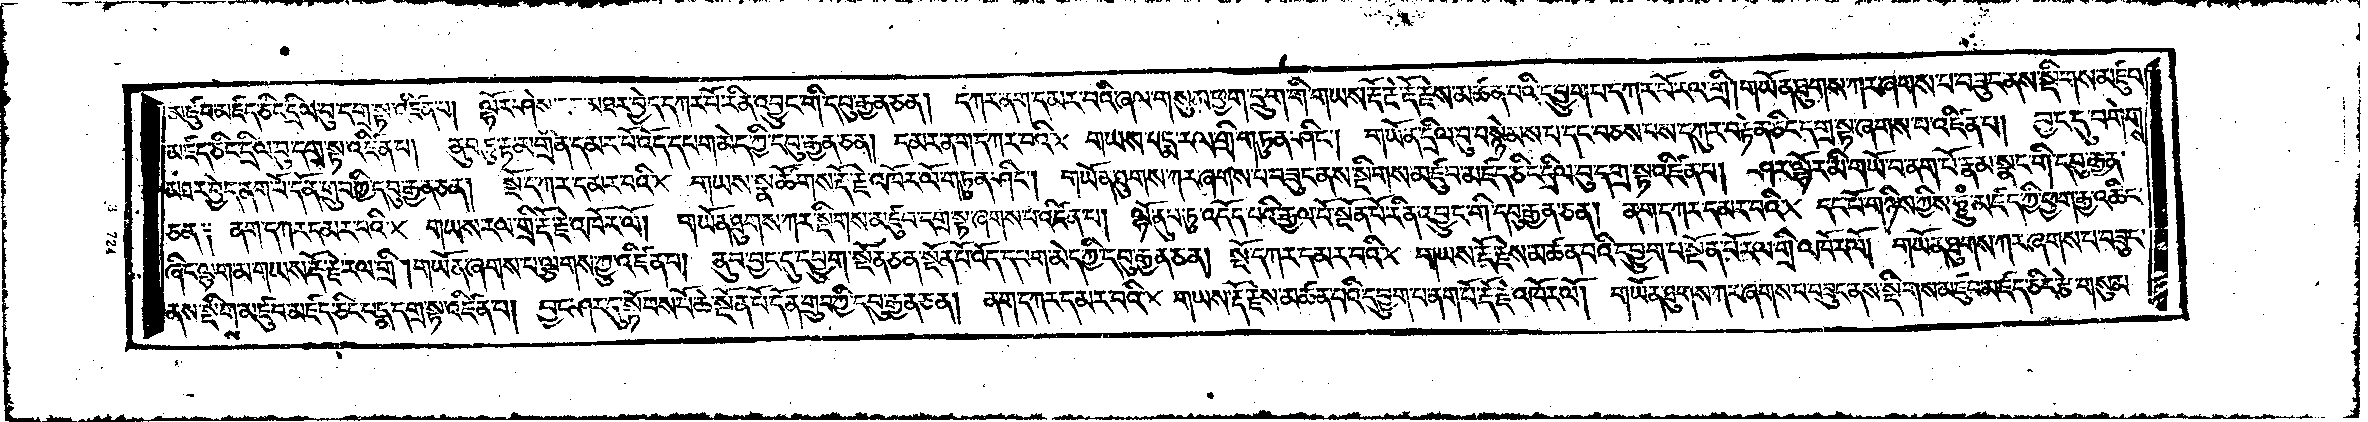མཛུབ་མཛད་ཅིང་དྲིལ་བུ་དགྲ་སྟ་འཛིན་པ། ལྷོར་ཤེས། མཐར་བྱེད་དཀར་པོ་རིན་འབྱུང་གི་དབུ་རྒྱན་ཅན། དཀར་ནག་དམར་བའི་ཞལ་གསུམ་ཕྱག་དྲུག་གི་གཡས་རྡོ་རྗེ་རྡོ་རྗེས་མཚན་པའི་དབྱུག་པ་དཀར་པོ་རལ་གྲི། གཡོན་ཐུགས་ཀར་ཞགས་པ་བཟུང་ནས་སྡིགས་མཛུབ་
མཛད་ཅིང་དྲིལ་བུ་དགྲ་སྟ་འཛིན་པ། ནུབ་ཏུ་རྟ་མགྲིན་དམར་པོ་འོད་དཔག་མེད་ཀྱི་དབུ་རྒྱན་ཅན། དམར་ནག་དཀར་པའི་྾་གཡས་པདམ་རལ་གྲི་གཏུན་ཤིང་། གཡོན་དྲིལ་བུ་བསྙེམས་པ་དང་བཅས་པས་དཀུར་བརྟེན་ཅིང་དགྲ་སྟ་ཞགས་པ་འཛིན་པ། བྱང་དུ་བགེགས་
མཐར་བྱེད་ནག་པོ་དོན་གྲུབ་ཀྱི་དབུ་རྒྱན་ཅན། སྡོ་དཀར་དམར་བའི་྾་གཡས་སྣ་ཚོགས་རྡོ་རྗེ་འཁོར་ལོ་གཏུན་ཤིང་། གཡོན་ཐུགས་ཀར་ཞགས་པ་བཟུང་ནས་སྡིགས་མཛུབ་མཛད་ཅིང་དྲིལ་བུ་དགྲ་སྟ་འཛིན་པ། ཤར་ལྷོར་མི་གཡོ་བ་ནག་པོ་རྣམ་སྣང་གི་དབུ་རྒྱན་
ཅན༑ ནག་དཀར་དམར་བའི་྾་གཡས་རལ་གྲི་རྡོ་རྗེ་འཁོར་ལོ། གཡོན་ཐུགས་ཀར་སྡིགས་མཛུབ་དགྲ་སྟ་ཞགས་པ་འཛིན་པ། ལྷོ་ནུབ་ཏུ་འདོད་པའི་རྒྱལ་པོ་སྔོན་པོ་རིན་འབྱུང་གི་དབུ་རྒྱན་ཅན། ནག་དཀར་དམར་བའི་྾་དང་པོ་གཉིས་ཀྱིས་ཧཱུཾ་མཛད་ཀྱི་ཕྱག་རྒྱ་འཆིང་
ཞིང་ལྷག་མ་གཡས་རྡོ་རྗེ་རལ་གྲི་།གཡོན་ཞགས་པ་ལྕགས་ཀྱུ་འཛིན་པ། ནུབ་བྱང་དུ་དབྱུག་སྔོན་ཅན་སྔོན་པོ་འོད་དཔག་མེད་ཀྱི་དབུ་རྒྱན་ཅན། སྡོ་དཀར་དམར་བའི་྾་གཡས་རྡོ་རྗེས་མཚན་བའི་དབྱུག་པ་སྔོན་པོ་རལ་གྲི་འཁོར་ལོ། གཡོན་ཐུགས་ཀར་ཞགས་པ་བཟུང་
ནས་སྡིག་མཛུབ་མཛད་ཅིང་པདམ་དགྲ་སྟ་འཛིན་པ། བྱང་ཤར་དུ་སྟོབས་པོ་ཆེ་སྔོན་པོ་དོན་གྲུབ་ཀྱི་དབུ་རྒྱན་ཅན། ནག་དཀར་དམར་བའི་྾་གཡས་རྡོ་རྗེས་མཚན་པའི་དབྱུག་པ་ནག་པོ་རྡོ་རྗེ་འཁོར་ལོ། གཡོན་ཐུགས་ཀར་ཞགས་པ་བཟུང་ནས་སྡིགས་མཛུབ་མཛད་ཅིང་རྩེ་གསུམ་